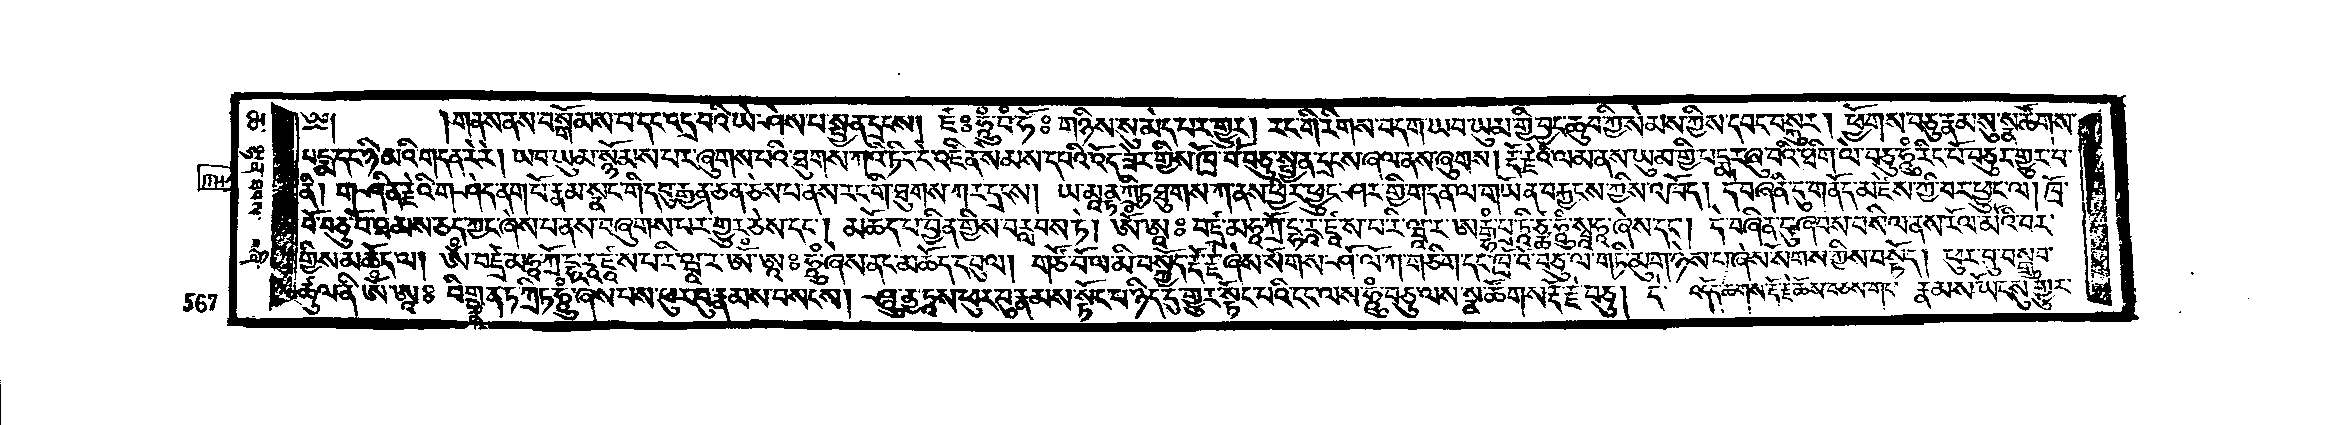༄༅། །གནས་ནས་བསྒོམས་པ་དང་འདྲ་བའི་ཡེ་ཤེས་པ་སྤྱན་དྲངས། ཛཿ ཧཱུཾ་བཾ་ཧོཿ གཉིས་སུ་མེད་པར་གྱུར། རང་གི་རིགས་བདག་ཡབ་ཡུམ་གྱི་བྱང་ཆུབ་ཀྱི་སེམས་ཀྱིས་དབང་བསྐུར། ཕྱོགས་བཅུ་རྣམས་སུ་སྣ་ཚོགས་
པདམ་དང་ཉི་མའི་གདན་རེ་རེ། ཡབ་ཡུམ་སྙོམས་པར་ཞུགས་པའི་ཐུགས་ཀའི་ཏིང་ངེ་འཛིན་སེམས་དཔའི་འོད་ཟེར་གྱིས་ཁྲོ་བོ་བཅུ་སྤྱན་དྲངས་ཞལ་ནས་ཞུགས། རྡོ་རྗེའི་ལམ་ནས་ཡུམ་གྱི་པདམར་ཞུ་བའི་ཐིག་ལེ་བཅུ་ཧཱུཾ་རིང་པོ་བཅུར་གྱུར་བ་
ནི། གཤིན་རྗེའི་གཤེད་ནག་པོ་རྣམ་སྣང་གི་དབུ་རྒྱན་ཅན་ཅེས་པ་ནས་རང་གི་ཐུགས་ཀར་དྲངས། ཡ་མཱནྟ་ཀྲིཏ་ཐུགས་ཀ་ནས་ཕྱིར་ཕྱུང་ཤར་གྱི་གདན་ལ་གཡོན་བརྐྱངས་ཀྱིས་འཁོད། དེ་བཞིན་དུ་གནོད་མཛེས་ཀྱི་བར་ཕྱུང་ལ། ཁྲོ་
བོ་བཅུ་པོ་ཐམས་ཅད་ཀྱང་ཞེས་པ་ནས་བཞུགས་པར་གྱུར་ཅེས་དང་། མཆོད་པ་བྱིན་གྱིས་བརླབས་ཏེ། ཨོཾ་ཨཱཿ བཛྲ་མཧཱ་ཀྲོ་དྷ་རཱ་ཛཱ་ས་པ་རི་ཝཱ་ར་ཨརྒྷཾ་པྲ་ཏཱི་ཙྪ་ཧཱུཾ་སྭཱ་ཧཱ་ཞེས་དང་། དེ་བཞིན་དུ་ཞབས་བསིལ་ནས་རོལ་མོའི་བར་
གྱིས་མཆོད་ལ། ཨོཾ་བཛྲ་མཧཱ་ཀྲོ་དྷ་རཱ་ཛཱ་ས་པ་རི་ཝཱ་ར་ཨོཾ་ཨཱཿ ཧཱུཾ་ཞེས་ནང་མཆོད་དབུལ། གཙོ་བོ་ལ་མི་བསྐྱོད་རྡོ་རྗེ་ཞེས་སོགས་ཤོ་ལོ་ཀ་གཅིག་དང་ཁྲོ་བོ་བཅུ་ལ་གཏི་མུག་ཉེས་པ་ཞེས་སོགས་ཀྱིས་བསྟོད། ཕུར་བུ་བསྒྲུབ་
ཚུལ་ནི་ཨོཾ་ཨཱཿ བིགྷྣན་ཏ་ཀྲིཏ་ཧཱུཾ་ཞེས་པས་ཕུར་བུ་རྣམས་བསངས། ཤཱུ་ནྱ་ཏཱས་ཕུར་བུ་རྣམས་སྟོང་པ་ཉིད་དུ་གྱུར་སྟོང་པའི་ངང་ལས་ཧཱུཾ་བཅུ་ལས་སྣ་ཚོགས་རྡོ་རྗེ་བཅུ། དེ་འདོད་ཆགས་རྡོ་རྗེ་ཆོས་བཅས་གང་རྣམས་ཡོངས་སུ་གྱུར་